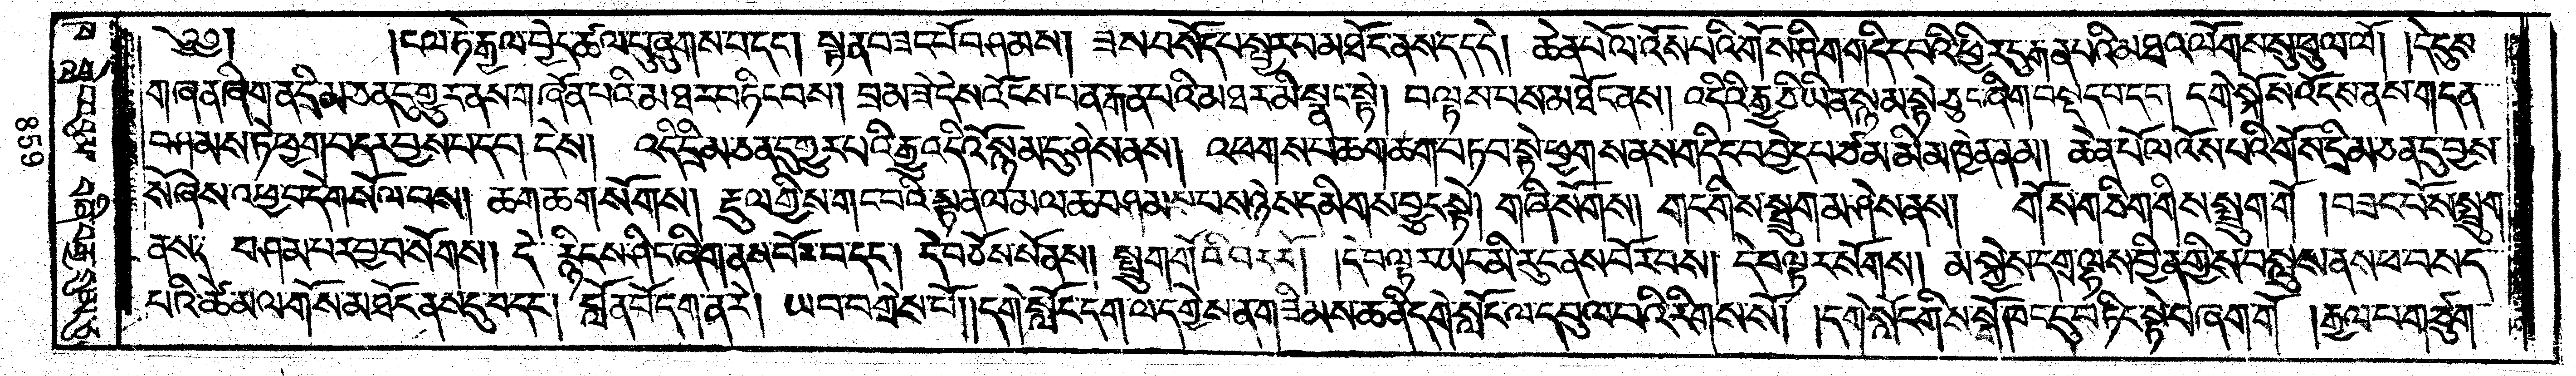༄༅། །ངལ་ཏེ་རྒྱལ་བྱེད་ཚལ་དུ་ཞུགས་པ་དང་། སྟན་བཟང་པོ་བཤམས། ཟས་བསོད་པ་སྤྱར་བ་མཐོང་ནས་དད་དེ། ཆེན་པོ་ལ་འོས་པའི་གོས་ཤིག་གདིང་བའི་ཕྱིར་དུ་རྒན་པའི་མཐའ་ལོགས་སུ་ཕུལ་ལོ། །དེ་དུས་
གཞན་ཞིག་ན་དྲི་མ་ཅན་དུ་གྱུར་ནས་གཞོན་པའི་མཐར་བཏིང་བས། བྲམ་ཟེ་དེས་འོངས་པ་ན་རྒན་པའི་མཐར་མི་སྣང་སྟེ། བལྟས་པས་མཐོང་ནས། འདིའི་རྒྱུ་ཅི་ཡིན་སྙམ་སྟེ་ཅུང་ཞིག་བསྡད་པ་དང་། དགེ་སྐོས་འོངས་ནས་གདན་
བཤམས་ཏེ་ཕྱག་བདར་བྱས་པ་དང་། དེས། འདི་དྲི་མ་ཅན་དུ་གྱུར་པའི་རྒྱུ་འདིའོ་སྙམ་དུ་ཤེས་ནས། འཕགས་པ་ཆག་ཆག་བཏབ་སྟེ་ཕྱག་ནས་གདིང་བ་བྱེད་པ་ཙམ་མི་མཁྱེན་ནམ། ཆེན་པོ་ལ་འོས་པའི་གོས་དྲི་མ་ཅན་དུ་བྱས་
སོ་ཞེས་འཕྱ་བ་དེ་གསོལ་བས། ཆག་ཆག་སོགས། རྡུལ་གྱིས་གང་བའི་སྟན་ལ་མལ་ཆ་བཤམས་པས་ཉེས་དམིགས་བྱུང་སྟེ། གཞི་སོགས། གང་གིས་སྦྲུག་མ་ཤེས་ནས། གོས་གཅིག་གིས་སྤྲུག་གོ །བཟང་པོས་སྤྲུག་
ནས༑ བཤམ་པར་བྱ་བ་སོགས། དེ་རྙིངས་ཤིང་ཞིག་ནས་བོར་བ་དང་། དེ་བཅོས་སོ་ནས། སྤྲུག་གོའི་བར་རོ། །དེ་བལྟར་ཡང་མི་རུང་ནས་བོར་བས། དེ་བལྟར་སོགས། མ་སྐྱེས་དགྲ་ལྷས་བྱིན་གྱིས་བསླུས་ནས་ཕ་བསད་
པའི་ཚེ་མལ་གོས་མཐོང་ནས་དུ་བ་དང་། བློན་པོ་དག་ན་རེ། ཡབ་བགྲེས་པོ། །དགེ་སློང་དག་ལ་དགྱེས་ན་གཟིམས་ཆ་ནི་དགེ་སློང་ལ་དབུལ་བའི་རིགས་སོ། །དགེ་སློང་གིས་སྒོ་ཁང་དུ་བཏིང་སྟེ་བཞག་གོ །རྒྱལ་པ་གཙུག་